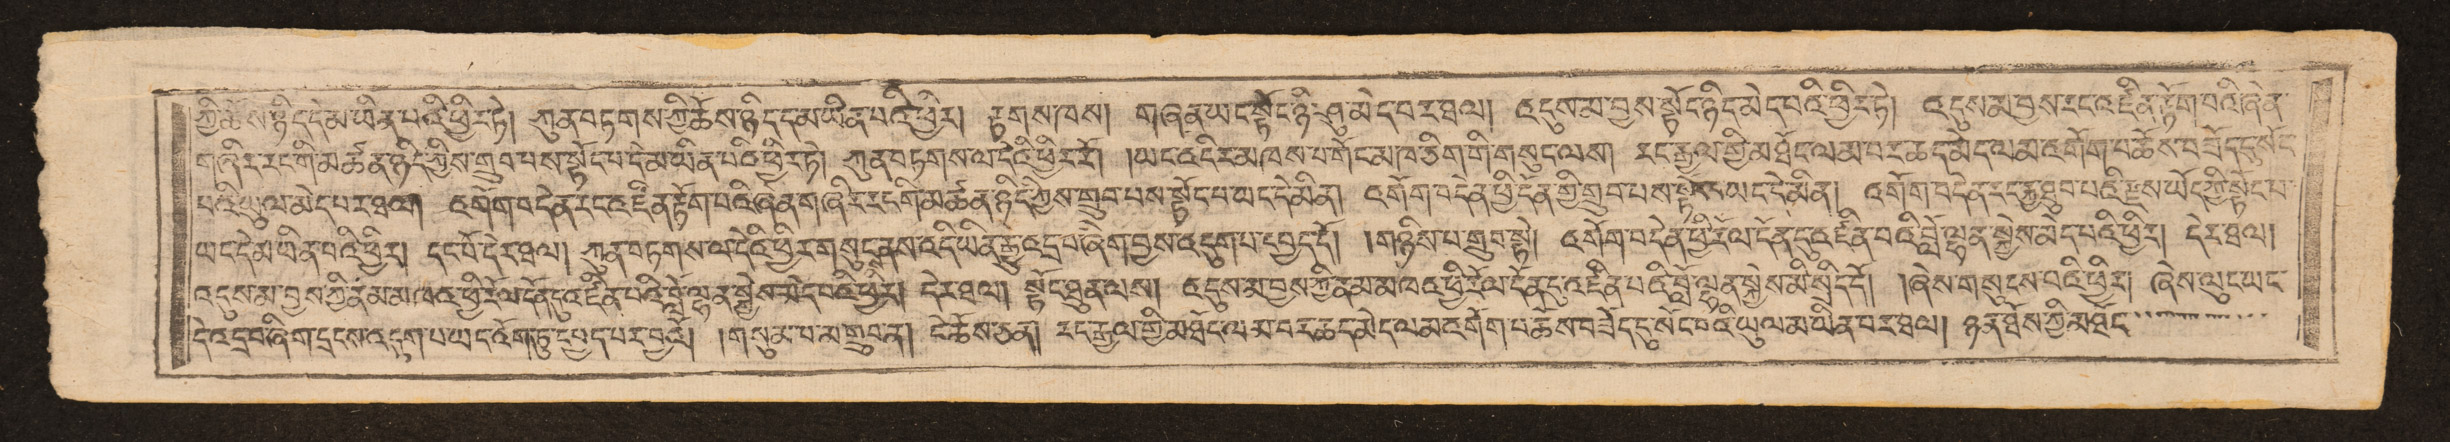ཀྱི་ཆོས་ཉིད་དེ་མ་ཡིན་པའི་ཕྱིར་ཏེ། ཀུན་བཏགས་ཀྱི་ཆོས་ཉིད་དེ་མ་ཡིན་པའི་ཕྱིར། རྟགས་ཁས། གཞན་ཡང་སྟོང་ཉི་ཤུ་མེད་པར་ཐལ། འདུས་མ་བྱས་སྟོང་ཉིད་མེད་པའི་ཕྱིར་ཏེ། འདུས་མ་བྱས་རང་འཛིན་རྟོག་པའི་ཞེན་
གཞིར་རང་གི་མཚན་ཉིད་ཀྱིས་གྲུབ་པས་སྟོང་པ་དེ་མ་ཡིན་པའི་ཕྱིར་ཏེ། ཀུན་བཏགས་ལ་དེའི་ཕྱིར་རོ། །ཡང་འདིར་མཁས་པ་གོང་མ་ཁ་ཅིག་གི་གསུངས་ལས། རང་རྒྱལ་གྱི་མཐོང་ལམ་བར་ཆད་མེད་ལམ་འགོག་པ་ཆོས་བཟོད་དུ་སོང་
པའི་ཡུལ་མེད་པར་ཐལ། འགོག་བདེན་རང་འཛིན་རྟོག་པའི་ཞེན་གཞིར་རང་གི་མཚན་ཉིད་ཀྱིས་གྲུབ་པས་སྟོང་པ་ཡང་དེ་མིན། འགོག་བདེན་ཕྱི་དོན་གྱི་གྲུབ་པས་སྟོང་པ་ཡང་དེ་མིན། འགོག་བདེན་རང་རྐྱ་ཐུབ་པའི་རྫས་ཡོད་ཀྱི་སྟོང་པ་
ཡང་དེ་མ་ཡིན་པའི་ཕྱིར། དང་པོ་དེར་ཐལ། ཀུན་བཏགས་ལ་དེའི་ཕྱིར་གསུངས་ནས་འདི་ཡིན་རྒྱུ་འདྲ་བ་ཞིག་བྱས་འདུག་པ་དཔྱད་དེ། །གཉིས་པ་གྲུབ་སྟེ། འགོག་བདེན་ཕྱི་རོལ་དོན་དུ་འཛིན་པའི་བློ་ལྷན་སྐྱེས་མེད་པའི་ཕྱིར། དེར་ཐལ།
འདུས་མ་བྱས་ཀྱི་ནམ་མཁའ་ཕྱི་རོལ་དོན་དུ་འཛིན་པའི་བློ་ལྷན་སྐྱེས་མེད་པའི་ཕྱིར། དེར་ཐལ། སྟོང་ཐུན་ལས། འདུས་མ་བྱས་ཀྱི་ནམ་མཁའ་ཕྱི་རོལ་དོན་དུ་འཛིན་པའི་བློ་ལྷན་སྐྱེས་མི་སྲིད་དོ། །ཞེས་གསུངས་པའི་ཕྱིར། ཞེས་ལུང་ཡང་
དེ་འདྲ་བ་ཞིག་དྲངས་འདུག་པ་ཡང་འོག་ཏུ་དཔྱད་པར་བྱའོ། །གསུམ་པ་མ་གྲུབ་ན། དེ་ཆོས་ཅན། རང་རྒྱལ་གྱི་མཐོང་ལམ་བར་ཆད་མེད་ལམ་འགོག་པ་ཆོས་བཟོད་དུ་སོང་བའི་ཡུལ་མ་ཡིན་པར་ཐལ། ཉན་ཐོས་ཀྱི་མཐོང་